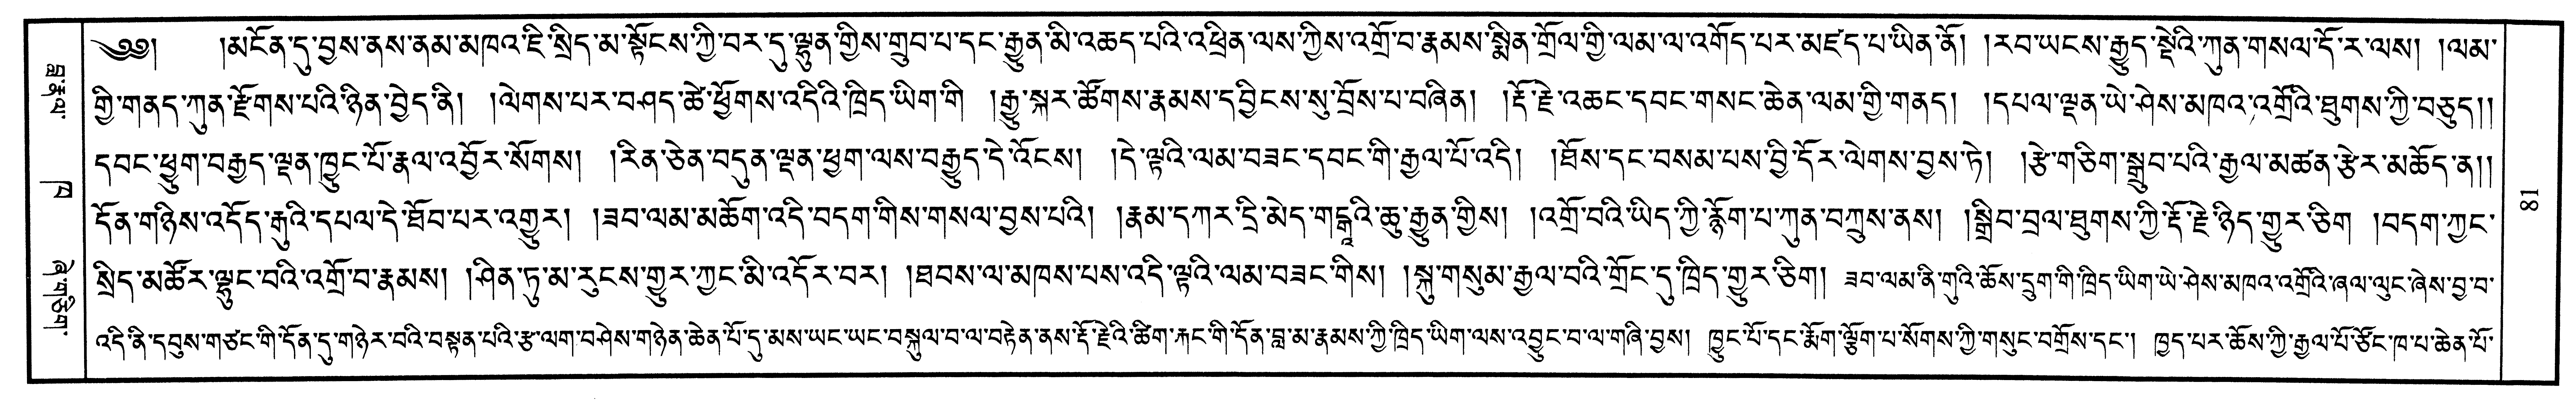༄༅། །མངོན་དུ་བྱས་ནས་ནམ་མཁའ་ཇི་སྲིད་མ་སྟོངས་ཀྱི་བར་དུ་ལྷུན་གྱིས་གྲུབ་པ་དང་རྒྱུན་མི་འཆད་པའི་འཕྲིན་ལས་ཀྱིས་འགྲོ་བ་རྣམས་སྨིན་གྲོལ་གྱི་ལམ་ལ་འགོད་པར་མཛད་པ་ཡིན་ནོ། །རབ་ཡངས་རྒྱུད་སྡེའི་ཀུན་གསལ་དོ་ར་ལས། །ལམ་
གྱི་གནད་ཀུན་རྫོགས་པའི་ཉིན་བྱེད་ནི། །ལེགས་པར་བཤད་ཚེ་ཕྱོགས་འདིའི་ཁྲིད་ཡིག་གི །རྒྱུ་སྐར་ཚོགས་རྣམས་དབྱིངས་སུ་བྲོས་པ་བཞིན། །རྡོ་རྗེ་འཆང་དབང་གསང་ཆེན་ལམ་གྱི་གནད། །དཔལ་ལྡན་ཡེ་ཤེས་མཁའ་འགྲོའི་ཐུགས་ཀྱི་བཅུད།།
དབང་ཕྱུག་བརྒྱད་ལྡན་ཁྱུང་པོ་རྣལ་འབྱོར་སོགས། །རིན་ཅེན་བདུན་ལྡན་ཕྱག་ལས་བརྒྱུད་དེ་འོངས། །དེ་ལྟའི་ལམ་བཟང་དབང་གི་རྒྱལ་པོ་འདི། །ཐོས་དང་བསམ་པས་བྱི་དོར་ལེགས་བྱས་ཏེ། །རྩེ་གཅིག་སྒྲུབ་པའི་རྒྱལ་མཚན་རྩེར་མཆོད་ན།།
དོན་གཉིས་འདོད་རྒུའི་དཔལ་དེ་ཐོབ་པར་འགྱུར། །ཟབ་ལམ་མཆོག་འདི་བདག་གིས་གསལ་བྱས་པའི། །རྣམ་དཀར་དྲི་མེད་གངྒཱའི་ཆུ་རྒྱུན་གྱིས། །འགྲོ་བའི་ཡིད་ཀྱི་རྙོག་པ་ཀུན་བཀྲུས་ནས། །སྒྲིབ་བྲལ་ཐུགས་ཀྱི་རྡོ་རྗེ་ཉིད་གྱུར་ཅིག །བདག་ཀྱང་
སྲིད་མཚོར་ལྷུང་བའི་འགྲོ་བ་རྣམས། །ཤིན་ཏུ་མ་རུངས་གྱུར་ཀྱང་མི་འདོར་བར། །ཐབས་ལ་མཁས་པས་འདི་ལྟའི་ལམ་བཟང་གིས། །སྐུ་གསུམ་རྒྱལ་བའི་གྲོང་དུ་ཁྲིད་གྱུར་ཅིག། ཟབ་ལམ་ནི་གུའི་ཆོས་དྲུག་གི་ཁྲིད་ཡིག་ཡེ་ཤེས་མཁའ་འགྲོའི་ཞལ་ལུང་ཞེས་བྱ་བ་
འདི་ནི་དབུས་གཙང་གི་དོན་དུ་གཉེར་བའི་བསྟན་པའི་རྩ་ལག་བཤེས་གཉེན་ཆེན་པོ་དུ་མས་ཡང་ཡང་བསྐུལ་བ་ལ་བརྟེན་ནས་རྡོ་རྗེའི་ཚིག་རྐང་གི་དོན་བླ་མ་རྣམས་ཀྱི་ཁྲིད་ཡིག་ལས་འབྱུང་བ་ལ་གཞི་བྱས། ཁྱུང་པོ་དང་རྨོག་ལྕོག་པ་སོགས་ཀྱི་གསུང་བགྲོས་དང་། ཁྱད་པར་ཆོས་ཀྱི་རྒྱལ་པོ་ཙོང་ཁ་པ་ཆེན་པོ་